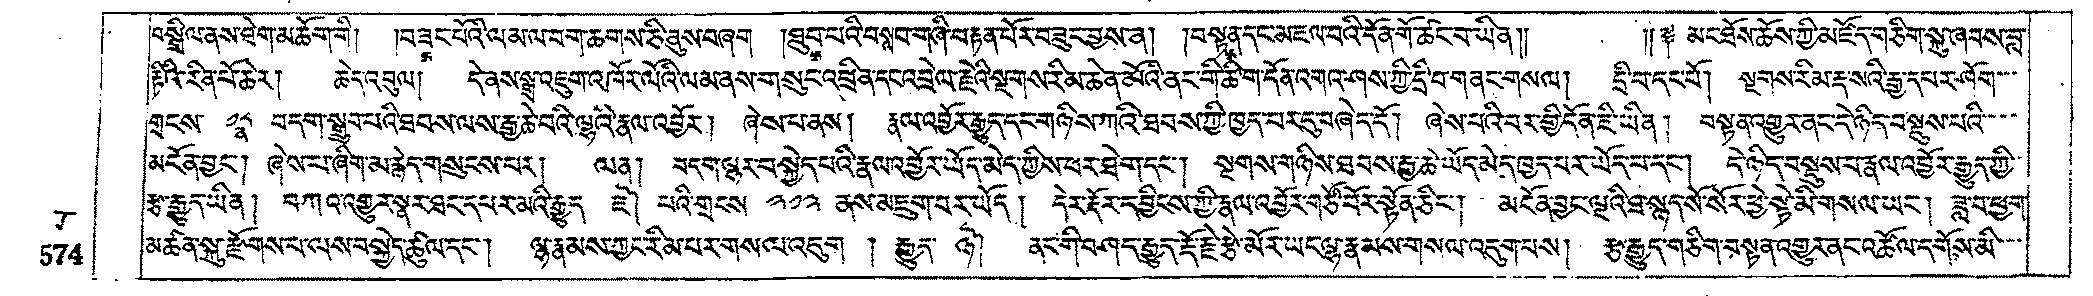བསྒྲིལ་ནས་ཐེག་མཆོག་གི། །བཟང་པོའི་ལམ་ལ་བག་ཆགས་ཅི་ནུས་བཞག །ཐུབ་པའི་བསླབ་གཞི་བརྟན་པོར་བཟུང་བྱས་ན། །བསྟན་དང་མཇལ་བའི་དོན་གོ་ཚང་བ་ཡིན།། །། འ་མང་ཐོས་ཆོས་ཀྱི་མཛོད་གཅིག་སྐུ་ཞབས་བླ་
རྟིའི་རིན་པོ་ཆེར། ཆེད་འབུལ། དེ་ནས་སྒྲ་འཇུག་འཁོར་ལོའི་ལམ་ནས་གསུང་འཕྲིན་དང་འབྲེལ་རྗེའི་སྔགས་རིམ་ཆེན་མོའི་ནང་གི་ཚིག་དོན་འགའ་ཤས་ཀྱི་དྲི་བ་གནང་གསལ། དྲི་བ་དང་པོ། སྔགས་རིམ་རྡ་སའི་རྒྱ་དཔར་ཤོག་་་
གྲངས ༡༨ན་བདག་སྒྲུབ་པའི་ཐབས་ལས་རྒྱ་ཆེ་བའི་ལྷའི་རྣལ་འབྱོར། ཞེས་པ་ནས། རྣལ་འབྱོར་རྒྱུད་དང་གཉིས་ཀའི་ཐབས་ཀྱི་ཁྱད་པར་དུ་བཞེད་དོ། ཞེས་པའི་བར་གྱི་དོན་ཇི་ཡིན། བསྟན་འགྱུར་ནང་དེ་ཉིད་བསྡུས་པའི་་་
མངོན་བྱང་། ཞེས་པ་ཞིག་མ་རྙེད་གསུངས་པར། ལན། བདག་ལྷར་བསྐྱེད་པའི་རྣལ་འབྱོར་ཡོད་མེད་ཀྱིས་ཕར་ཐེག་དང་། སྔགས་གཉིས་ཐབས་རྒྱ་ཆེ་ཡོད་མེད་ཁྱད་པར་ཡོད་པ་དང་། དེ་ཉིད་བསྡུས་པ་རྣལ་འབྱོར་རྒྱུད་ཀྱི་་་
རྩ་རྒྱུད་ཡིན། བཀའ་འགྱུར་སྣར་ཐང་དཔར་མའི་རྒྱུད་ཇ྄་པའི་གྲངས ༢༡༣་ནས་མཇུག་བར་ཡོད། དེར་རྡོར་དབྱིངས་ཀྱི་རྣལ་འབྱོར་གཙོ་བོར་སྟོན་ཅིང་། མངོན་བྱང་ལྔའི་ཐ་སྙད་སོ་སོར་ཕྱེ་སྟེ་མི་གསལ་ཡང་། ཟླ་བ་ཕྱག་
མཚན་སྐུ་རྫོགས་པ་ལས་བསྐྱེད་ཚུལ་དང་། ལྷ་རྣམས་ཀྱང་རིམ་པར་གསལ་འདུག །རྒྱུད་ཉ་ནང་གིས་བཤད་རྒྱུད་རྡོ་རྗེ་རྩེ་མོར་ཡང་ལྷ་རྣམས་གསལ་འདུག་པས། རྩ་རྒྱུད་གཅིག་བསྟན་འགྱུར་ནང་འཚོལ་དགོས་མི་་་